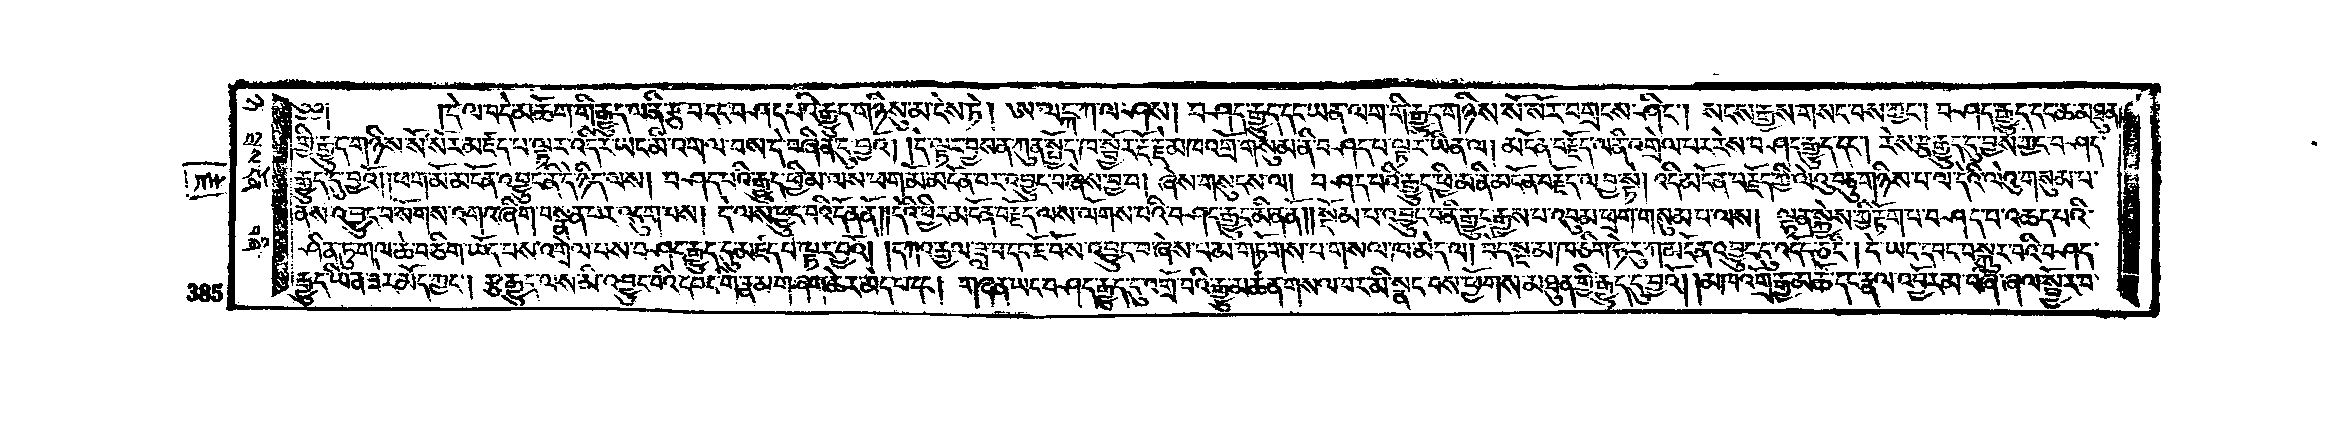༄༅། །དེ་ལ་བདེ་མཆོག་གི་རྒྱུད་ལ་ནི་རྩ་བ་དང་བཤད་པའི་རྒྱུད་གཉིས་སུ་མ་ངེས་ཏེ། ཨ་ལངྐ་ཀ་ལ་ཤས། བཤད་རྒྱུད་དང་ཡན་ལག་གི་རྒྱུད་གཉིས་སོ་སོར་བགྲངས་ཤིང་། སངས་རྒྱས་གསང་བས་ཀྱང་། བཤད་རྒྱུད་དང་ཆ་མཐུན་
གྱི་རྒྱུད་གཉིས་སོ་སོར་མཛད་པ་ལྟར་འདིར་ཡང་མི་འགལ་བས་དེ་བཞིན་དུ་བྱའོ། །དེ་ལྟར་བྱས་ན་ཀུན་སྤྱོད་ཁ་སྦྱོར་རྡོ་རྗེ་མཁའ་འགྲོ་གསུམ་ནི་བཤད་པ་ལྟར་ཡིན་ལ། མངོན་བརྗོད་ལ་ནི་འགྲེལ་པར་རེས་བཤད་རྒྱུད་དང་། རེས་རྩ་རྒྱུད་དུ་བྱས་ཀྱང་བཤད་
རྒྱུད་དུ་བྱའོ། །ཕག་མོ་མངོན་འབྱུང་ནི་དེ་ཉིད་ལས། བཤད་པའི་རྒྱུད་ཕྱི་མ་ལས་ཕག་མོ་མངོན་པར་འབྱུང་བ་ཞེས་བྱ་བ། ཞེས་གསུངས་ལ། བཤད་པའི་རྒྱུད་ཕྱི་མ་ནི་མངོན་བརྗོད་ལ་བྱ་སྟེ། འདི་མངོན་བརྗོད་ཀྱི་ལེའུ་བཅུ་གཉིས་པ་ལ་དེའི་ལེའུ་གསུམ་པ་
ནས་འབྱུང་བ་སོགས་འགའ་ཞིག་བསྣན་པར་འདུག་པས། དེ་ལས་ཕྱུང་བའི་དོན་ནོ། །དེའི་ཕྱིར་མངོན་བརྗོད་ལས་ལོགས་པའི་བཤད་རྒྱུད་མིན་ནོ། །སྡོམ་པ་འབྱུང་བ་ནི་རྒྱུད་རྒྱས་པ་འབུམ་ཕྲག་གསུམ་པ་ལས། ལྷན་སྐྱེས་ཀྱི་རྟོག་པ་བཤད་པ་འཆད་པའི་
ཤིན་ཏུ་གལ་ཆེ་བ་ཅིག་ཡོད་པས་འགྲེལ་པས་བཤད་རྒྱུད་དུ་མཛད་པ་ལྟར་བྱའོ། །དཀའ་རྒྱལ་ཟླ་བ་དང་ཇོ་བོས་འབྱུང་བ་ཞེས་པ་མ་གཏོགས་པ་གསལ་ཁ་མེད་ལ། བོད་སྔ་མ་ཁ་ཅིག་ཧེ་རུ་ཀ་མངོན་འབྱུང་དུ་འདོད་ཅིང་། དེ་ཡང་དབང་བསྐུར་བའི་བཤད་
རྒྱུད་ཡིན་ཟེར་མོད་ཀྱང་། རྩ་རྒྱུད་ལས་མི་འབྱུང་བའི་དབང་གི་རྣམ་གཞག་ཆེར་མེད་པ་དང་། གཞན་ཡང་བཤད་རྒྱུད་དུ་འགྲོ་བའི་རྒྱུ་མཚན་གསལ་བར་མི་སྣང་བས་ཕྱོགས་མཐུན་གྱི་རྒྱུད་དུ་བྱའོ། །མཁའ་འགྲོ་རྒྱ་མཚོ་དང་རྣལ་འབྱོར་མ་བཞི་ཞལ་སྦྱོར་བ་